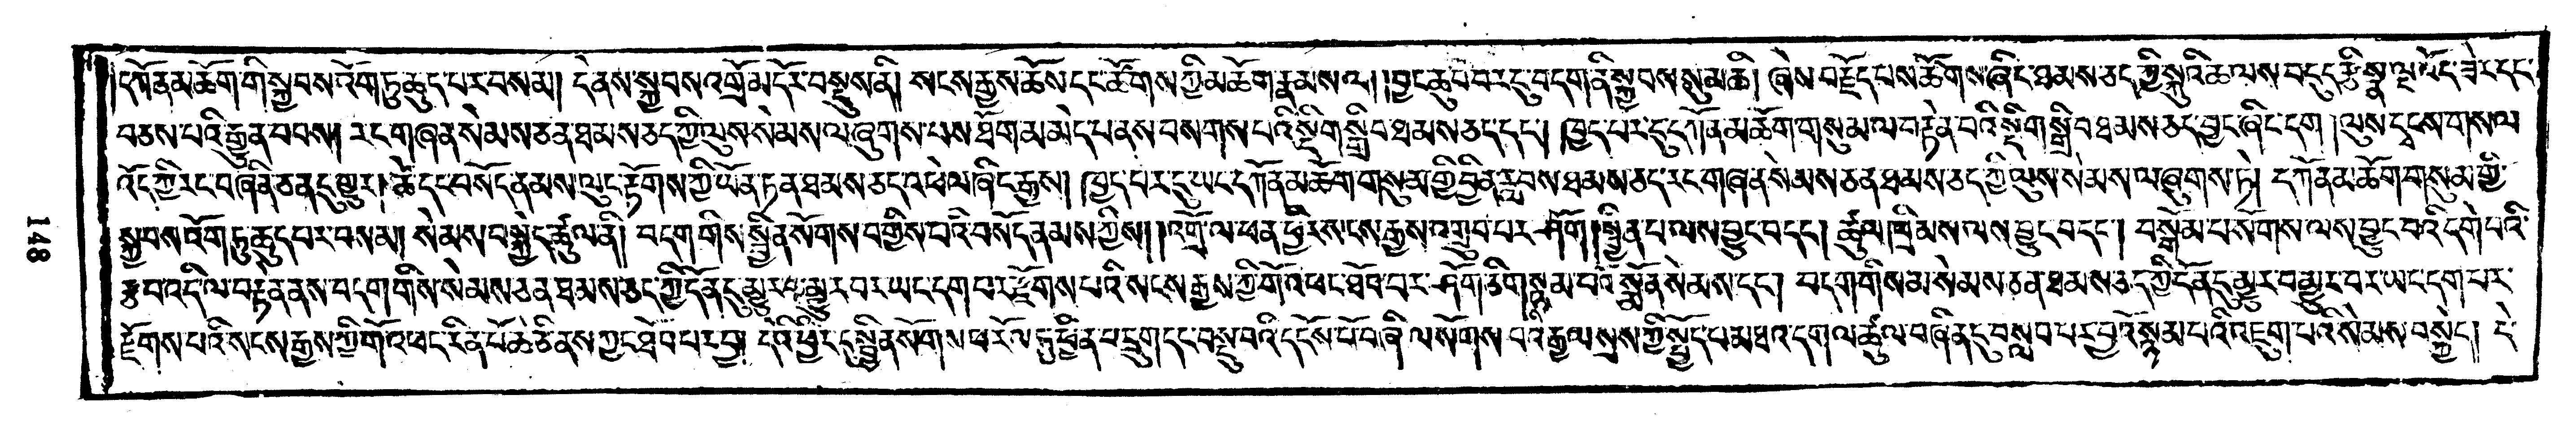དཀོན་མཆོག་གི་སྐྱབས་འོག་ཏུ་ཆུད་པར་བསམ། དེ་ནས་སྐྱབས་འགྲོ་མདོར་བསྡུས་ནི། སངས་རྒྱས་ཆོས་དང་ཚོགས་ཀྱི་མཆོག་རྣམས་ལ། །བྱང་ཆུབ་བར་དུ་བདག་ནི་སྐྱབས་སུ་མཆི། །ཞེས་བརྗོད་པས་ཚོགས་ཞིང་ཐམས་ཅད་ཀྱི་སྐུའི་ཆ་ལས་བདུད་རྩི་སྔ་ལྔ་འོད་ཟེར་དང་
བཅས་པའི་རྒྱུན་བབས། རང་གཞན་སེམས་ཅན་ཐམས་ཅད་ཀྱི་ལུས་སེམས་ལ་ཞུགས་པས་ཐོག་མ་མེད་པ་ནས་བསགས་པའི་སྡིག་སྒྲིབ་ཐམས་ཅད་དང་། ཁྱད་པར་དུ་དཀོན་མཆོག་གསུམ་ལ་བརྟེན་པའི་སྡིག་སྒྲིབ་ཐམས་ཅད་བྱང་ཞིང་དག །ལུས་དྭངས་གསལ་
འོད་ཀྱི་རང་བཞིན་ཅན་དུ་གྱུར། ཚེ་དང་བསོད་ནམས་ལུང་རྟོགས་ཀྱི་ཡོན་ཏན་ཐམས་ཅད་འཕེལ་ཞིང་རྒྱས། ཁྱད་པར་དུ་ཡང་དཀོན་མཆོག་གསུམ་གྱི་བྱིན་རླབས་ཐམས་ཅད་རང་གཞན་སེམས་ཅན་ཐམས་ཅད་ཀྱི་ལུས་སེམས་ལ་ཞུགས་ཏེ། དཀོན་མཆོག་གསུམ་གྱི་
སྐྱབས་འོག་ཏུ་ཆུད་པར་བསམ། སེམས་བསྐྱེད་ཚུལ་ནི། བདག་གིས་སྦྱིན་སོགས་བགྱིས་པའི་བསོད་ནམས་ཀྱིས། །འགྲོ་ལ་ཕན་ཕྱིར་སངས་རྒྱས་འགྲུབ་པར་ཤོག །སྦྱིན་པ་ལས་བྱུང་བ་དང་། ཚུལ་ཁྲིམས་ལས་བྱུང་བ་དང་། བསྒོམ་པ་སོགས་ལས་བྱུང་བའི་དགེ་བའི་
རྩ་བ་འདི་ལ་བརྟེན་ནས་བདག་གིས་སེམས་ཅན་ཐམས་ཅད་ཀྱི་དོན་དུ་མྱུར་བ་མྱུར་བར་ཡང་དག་པར་རྫོགས་པའི་སངས་རྒྱས་ཀྱི་གོ་འཕང་ཐོབ་པར་ཤོག་ཅིག་སྙམ་པའི་སྨོན་སེམས་དང་། བདག་གིས་མ་སེམས་ཅན་ཐམས་ཅད་ཀྱི་དོན་དུ་བ་མྱུར་བར་ཡང་དག་པར་
རྫོགས་པའི་སངས་རྒྱས་ཀྱི་གོ་འཕང་རིན་པོ་ཆེ་ཅི་ནས་ཀྱང་ཐོབ་པར་བྱ། དེའི་ཕྱིར་དུ་སྦྱིན་སོགས་ཕ་རོལ་ཏུ་ཕྱིན་པ་དྲུག་དང་བསྡུ་བའི་དངོས་པོ་བཞི་ལ་སོགས་པའི་རྒྱལ་སྲས་ཀྱི་སྤྱོད་པ་མཐའ་དག་ལ་ཚུལ་བཞིན་དུ་བསླབ་པར་བྱའོ་སྙམ་པའི་འཇུག་པའི་སེམས་བསྐྱེད། དེ་